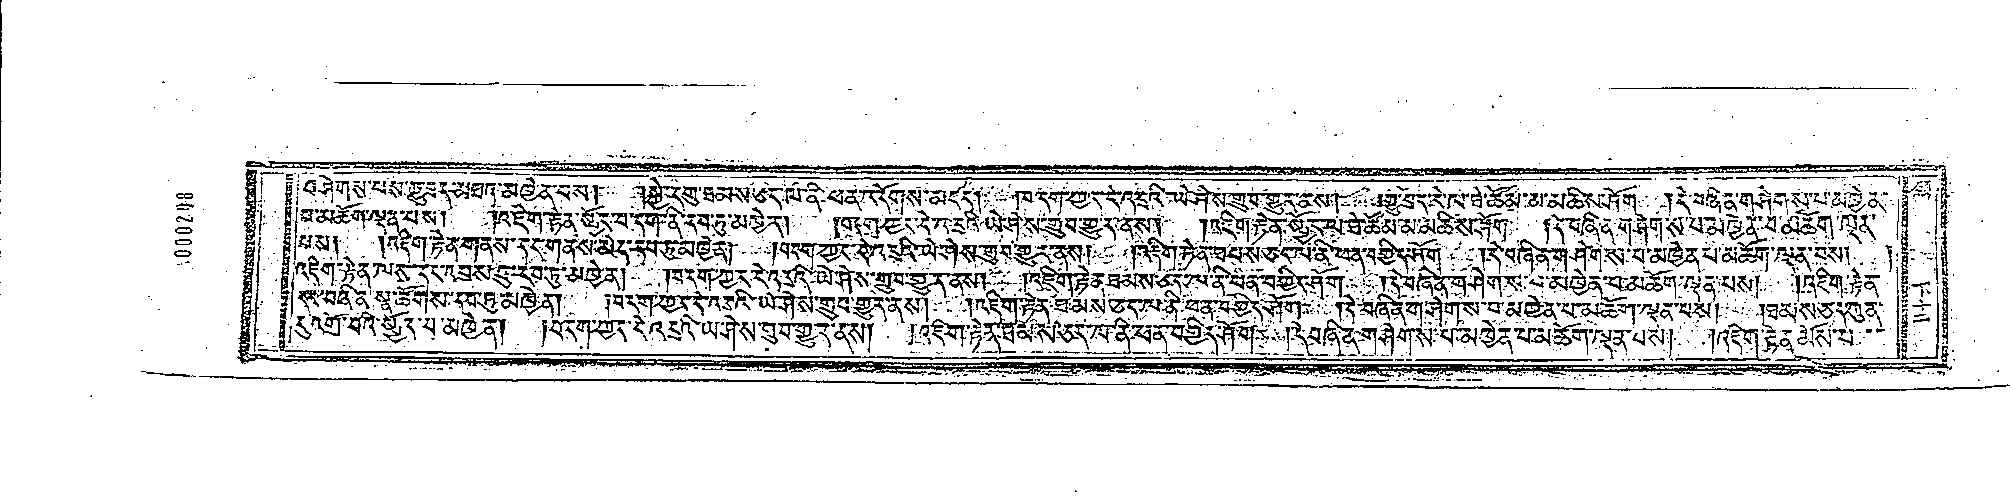བཤེགས་པས་རྒྱུ་ཟད་མཐའ་མཁྱེན་པས། །སྐྱེ་དགུ་ཐམས་ཅད་ལ་ནི་ཕན་འདོགས་མཛད། །བདག་ཀྱང་དེ་འདྲའི་ཡེ་ཤེས་གྲུབ་གྱུར་ནས། །གྱུ་བྲད་དེ་ལ་ཐེ་ཚོམ་མ་མཆིས་ཤོག །དེ་བཞིན་གཤེགས་པ་མཁྱེན་
པ་མཆོག་ལྡན་པས། །འཇིག་རྟེན་སྤྱོད་པ་དག་ནི་རབ་ཏུ་མཁྱེན། །བདག་ཀྱང་དེ་འདྲའི་ཡེ་ཤེས་གྲུབ་གྱུར་ནས། །འཇིག་རྟེན་སྤྱོད་ལ་ཐེ་ཚོམ་མ་མཆིས་ཤོག །དེ་བཞིན་གཤེགས་པ་མཁྱེན་པ་མཆོག་ལྡན་
པས། །འཇིག་རྟེན་གནས་དང་གནས་མེད་རབ་ཏུ་མཁྱེན། །བདག་ཀྱང་དེ་འདྲའི་ཡེ་ཤེས་གྲུབ་གྱུར་ནས། །འཇིག་རྟེན་ཐབས་ཅད་ལ་ནི་ཕན་བགྱིད་ཤོ་།དེ་བཞིན་གཤེགས་པ་མཁྱེན་པ་མཆོག་ལྡན་བས། །
འཇིག་རྟེན་ལས་དང་འབྲས་བུ་རབ་ཏུ་མཁྱེན། །བདག་ཀྱང་དེ་འདྲའི་ཡེ་ཤེས་གྲུབ་གྱུར་ནས། །འཇིག་རྟེན་ཐམས་ཅད་ལ་ནི་ཕན་བགྱིད་ཤོག །དེ་བཞིན་གཤེགས་པ་མཁྱེན་པ་མཆོག་ལྡན་བས། །འཇིག་རྟེན་
དང་བཞིན་སྣ་ཚོགས་རབ་ཏུ་མཁྱེན། །བདག་ཀྱང་དེ་འདྲའི་ཡེ་ཤེས་གྲུབ་གྱུར་ནས། །འཇིག་རྟེན་ཐམས་ཅད་ལ་ནི་ཕན་བགྱིད་ཤོག །དེ་བཞིན་གཤེགས་པ་མཁྱེན་པ་མཆོག་ལྡན་པས། །ཐམས་ཅད་ཀུན་
དུ་འགྲོ་བའི་སྤྱོད་པ་མཁྱེན། །བདག་ཀྱང་དེ་འདྲའི་ཡ་ཤེས་གྲུབ་གྱུར་ནས། །འཇིག་རྟེན་ཐམས་ཅད་ལ་ནི་ཕན་བགྱིད་ཤོག །དེ་བཞིན་གཤེགས་པ་མཁྱེན་པ་མཆོག་ལྡན་པས། །འཇིག་རྟེན་མོས་པ་